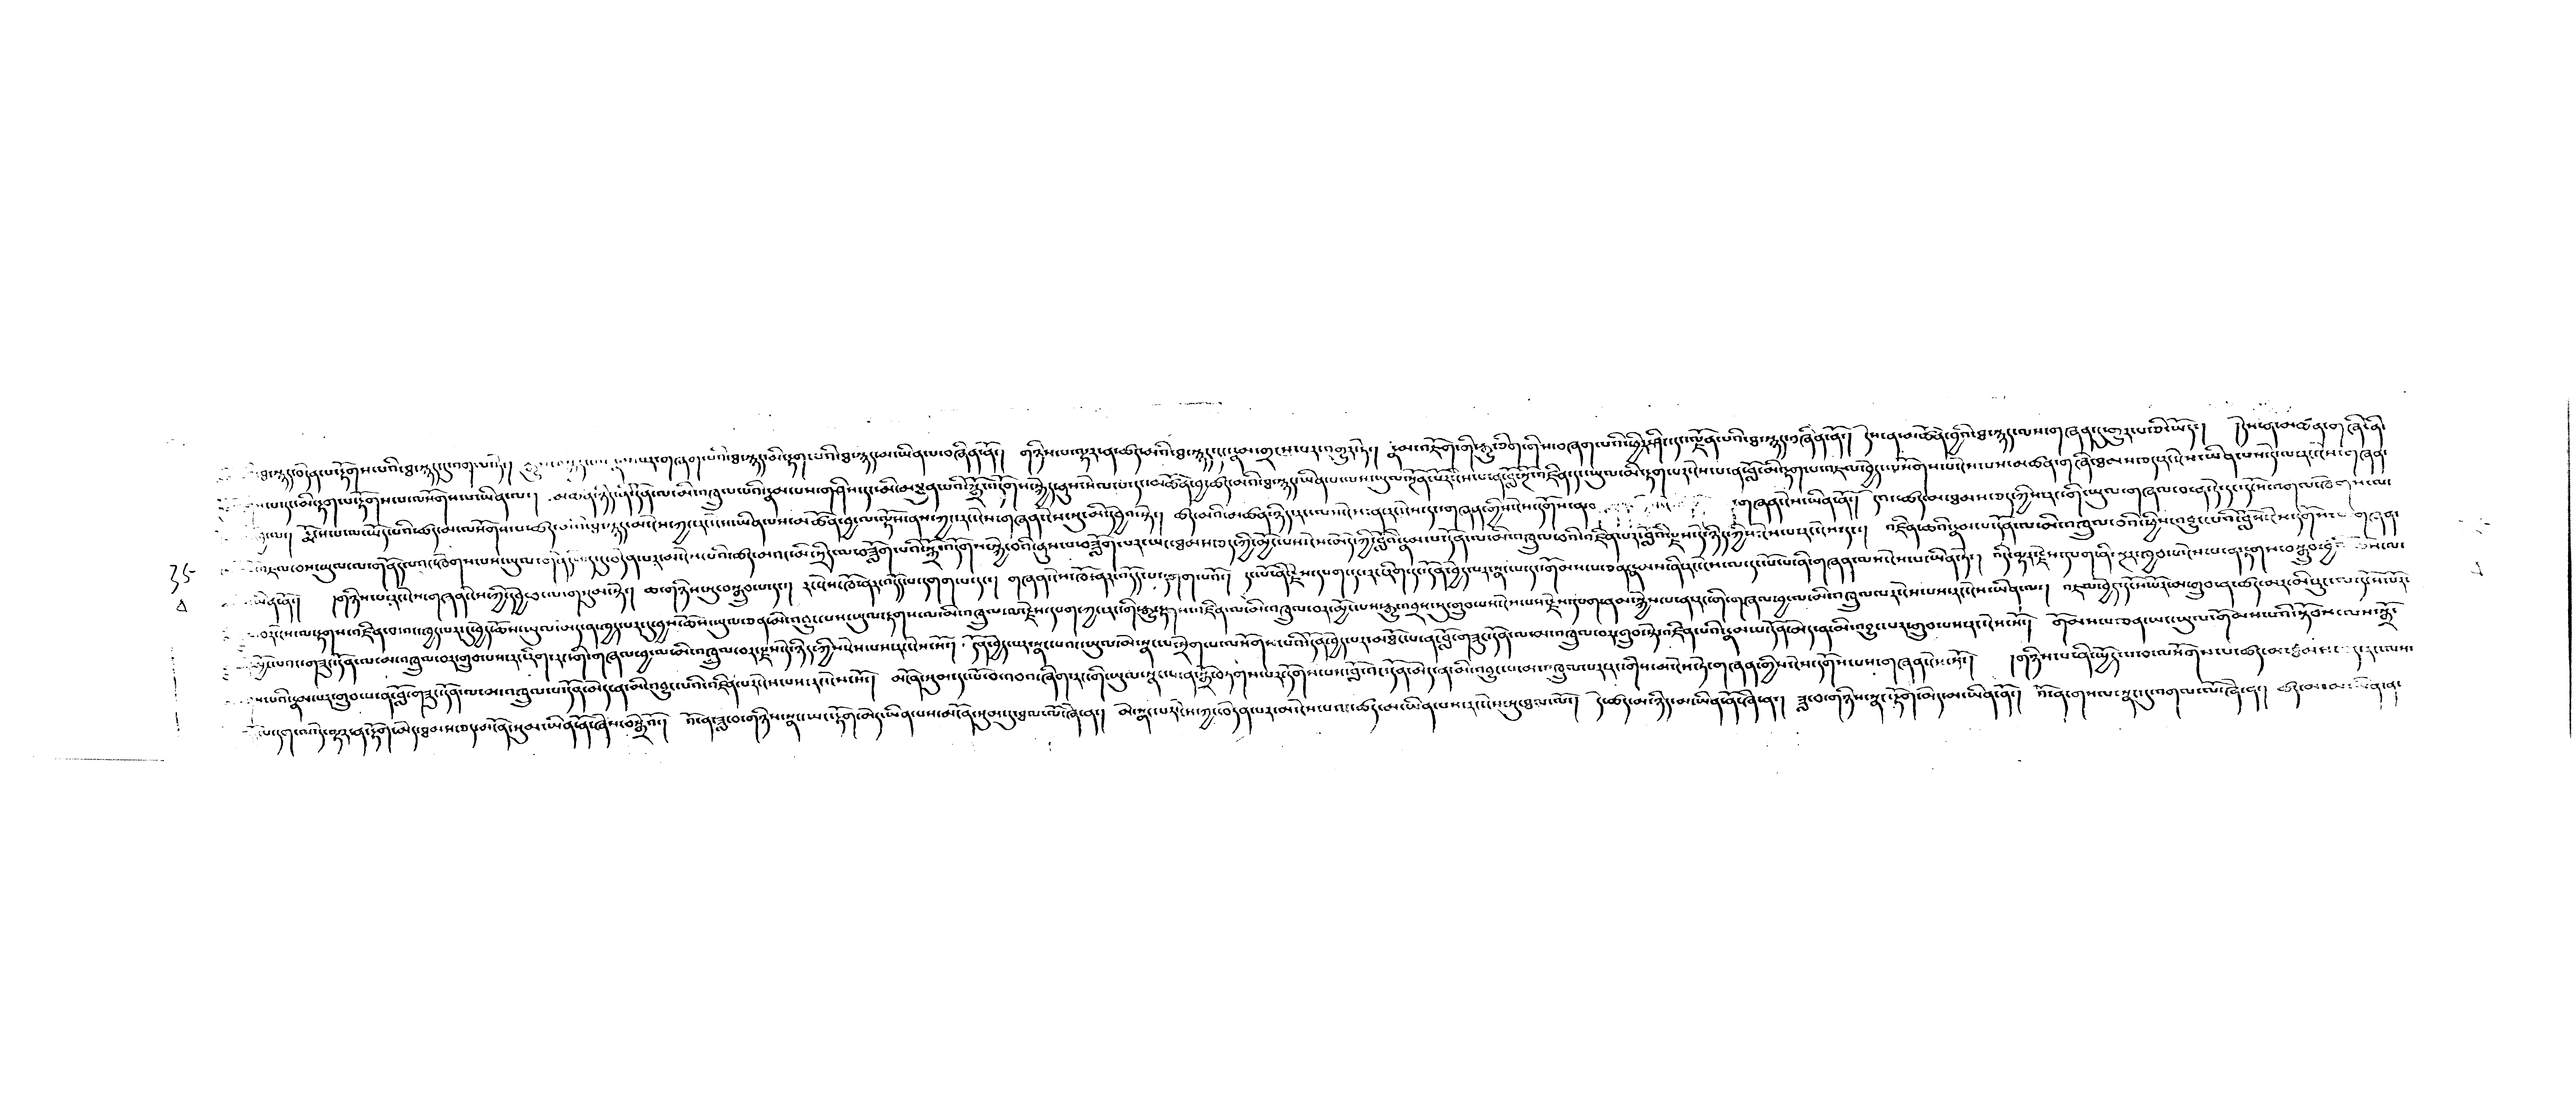?་ཐ་སྙད་བདེན་པ་རྟོགས་པའི་ཐ་སྙད་དུ་འགལ་ཏེ། རྒྱུ་?་?་རྣམ་པར་གཞག་པའི་ཐ་སྙད་མི་རྟག་པའི་ཐ་སྙད་མ་ཡིན་པ་བཞིན་ནོ། གཉིས་པ་ལྟར་ན་ཚད་མའི་ཐ་སྙད་དང་རྣམ་གྲངས་པར་འགྱུར་ཏེ། རྣམ་འཇོག་གི་རྒྱུ་ཅིག་གིས་བཞག་པའི་ཕྱིར་ཤེས་དང་ལྗོན་པའི་ཐ་སྙད་བཞིན་ནོ། དེས་ན་མཚོན་བྱའི་ཐ་སྙད་ལས་གཞན་དུ་གྱུར་པ་ཅི་ཡོད། །དེས་ན་མཚན་གཞི་ནོ་
?་ཞེས་པ་དང་མི་རྟག་པ་རྟོགས་པ་ལ་སོགས་པ་ཡིན་ལ། མཚན་ཉིད་ནི་དོན་ལ་མི་འཁྲུལ་པའི་རྣམ་པས་གཤིས་དང་མི་མཐུན་པའི་སྒྲོ་འདོགས་སྐྱེད་ནུས་སེལ་པ་དང་མཚོན་བྱ་ཚད་མའི་ཐ་སྙད་ཡིན་པ་ལས་ཡུལ་སྔོན་པོར་ངེས་པ་ན་བློ་སྔོ་འཛིན་དང་ཡུལ་མི་རྟག་པར་ངེས་པ་ན་བློ་མི་རྟག་པ་འཇལ་བྱེད་པ་སོགས་པ་ངེས་པས་མཚན་གཞི་ཐམས་ཅད་རང་ངེས་ཡིན་པས་དེ་ལ་རང་ངེས་གཞན་
?་?་ལ། རྨོངས་པ་མ་ཡོད་པའི་ཚད་མ་ལ་སོགས་པ་ཚད་མའི་ཐ་སྙད་མ་ངེས་ཀྱང་རང་ངེས་ཡིན་པས་མཚོན་བྱ་ལ་ལྟོས་ནས་ཀྱང་རང་ངེས་གཞན་ངེས་སུ་མི་དབྱེས?་སྟེ། ཚད་མའི་མཚན་ཉིད་རང་ལས་ངེས་ན་རང་ངེས་དང་གཞན་གྱིས་ངེས་དགོས་ན་?་?་གཞན་ངེས་ཡིན་ནོ། དེའང་ཚད་མ་ཐམས་ཅད་ཀྱིས་རང་གི་ཡུལ་གཞལ་བ་ན་དེ་དང་དངོས་འགལ་ཁེགས་ལ་
?་འཇལ་བས་ཡུལ་ལ་གནོད་པའང་ཁེགས་པས་ཡུལ་གནོད་མེད་དུ་བདེན་པར་མ་ངེས་པའི་ཚད་མའང་མི་སྲིད་མ་བཟློག་པའི་སྒྲོ་འདོགས་སྐྱེ་བའི་ནུས་པ་བཟློག་པར་ཡང་ཐམས་ཅད་ཀྱི་མྱོང་པས་ངེས་མོད་ཀྱི་བློའི་རྣམ་པ་དོན་ལ་མི་འཁྲུལ་བའི་འཛིན་པར་བློའི་རྫས་དེ་ཉིད་ཀྱིས་ངེས་པར་ངེས་དང་། འཛིན་ཆའི་རྣམ་པ་དོན་ལ་མི་འཁྲུལ་བའི་ཕྱིས་འབྱུང་པའི་བློས་ངེས་དགོས་པ་གཞན་
?་ཡིན་ནོ། །གཉིས་པ་རང་ངེས་གཞན་ངེས་ཀྱི་དབྱེ་བ་ལ་གསུམ་སྟེ། ཆ་གཉིས་སུ་བསྒྲུབ་པ་དང་། རང་ངེས་ཁོ་ནར་འདོད་པ་དགག་པ་དང་། གཞན་ངེས་ཁོ་ནར་འདོད་པ་དགག་པའོ། དང་པོ་ནི་རྗེས་དཔག་དང་རང་རིག་དང་དོན་བྱེད་པར་སྣང་པ་དང་གོམས་པ་ཅན་རྣམས་ནི་རང་ངེས་ལ་དང་པོ་པ་ནི་གཞན་ལས་ངེས་པ་ཡིན་ཏེ། འདི་ལྟར་རྗེས་དཔག་ནི་སྔར་ཁྱབ་པ་ངེས་པ་ན་རྟགས་བསྒྲུབ་བྱའི་ཆོས་ལ་
?་བར་ངེས་མ་རྟགས་འཛིན་པ་འང་ཁྱད་པར་དུ་བྱེད་ཆོས་ཡུལ་ཡོད་ན་ཁྱད་པར་དུ་བྱས་ཆོས་ཡུལ་ཅན་མེ་འབྱུང་པས་ཡུལ་རྟགས་ལ་མི་འཁྲུལ་མ་རྗེས་དཔག་ཀྱང་རང་གི་རྒྱུ་རྟགས་འཛིན་ལ་མི་འཁྲུལ་བར་མྱོང་པས་རྒྱུ་འབྲས་སུ་གྲུབ་པས་ངེས་པས་རྗེས་དཔག་ནམ་སྐྱེས་པ་ན་རང་གི་གཞལ་བྱ་ལ་མི་འཁྲུལ་པར་ངེས་པས་རང་ངེས་ཡིན་ལ། འཇམ་བྱེད་དངོས་པོ་མ་གྲུབ་ན་ཚད་མར་མི་རུང་ལ་དངོས་པོར་
?་མྱོང་པའང་གཟུང་དོན་ལ་མ་འཁྲུལ་བར་གྲུབ་པས་རང་རིག་རང་གི་གཞལ་བྱ་མ་མི་འཁྲུལ་བར་རྫས་དེ་ཉིད་ཀྱིས་ངེས་པས་རང་ངེས་སོ། དོན་བྱེད་པར་སྣང་པའང་ཡུལ་མེ་སྣང་པ་སྲེག་པ་ལ་སོགས་པའི་དོན་བྱེད་པར་མཐོང་པ་ན་བློ་གཟུང་དོན་ལ་མ་འཁྲུལ་བར་གྲུབ་སྟེ་འཛིན་པའི་རྣམ་པ་དོན་མེད་ན་མི་འབྱུང་པར་གྲུབ་པས་རང་ངེས་སོ། གོམས་པ་ཅན་ཡང་ཡུལ་གོམས་པའི་སྟོབས་ལས་སྒྲོ་
བཏགས་པའི་རྣམ་པར་གྲུབ་པ་ན་བློ་གཟུང་དོན་ལ་མ་འཁྲུལ་པ་དོན་མེད་ན་མི་འབྱུང་པའི་འཛིན་པར་ངེས་པས་རང་ངེས་སོ། མངོན་སུམ་དང་པོ་བ་འབའ་ཞིག་རང་གི་ཡུལ་སྣང་པ་ན་སྒྲོ་བཏགས་པར་དོགས་པས་བློ་འང་དོན་མེད་ན་མི་འབྱུང་པ་མ་འཁྲུལ་པར་རང་གིས་མ་ངེས་ཏེ་གཞན་གྱིས་ངེས་དོགས་པས་གཞན་ངེས་སོ། །གཉིས་པ་ནི་སྤྱོད་པ་ལ་སོགས་པ་ཚད་མ་ཐམས་ཅད་རང་ལས་
?་དག་ལ་དེ་ལྟར་ན་རྟོག་མེད་ཐམས་ཅད་མངོན་སུམ་ཡིན་ནོ་ཞེས་བསྒྲེའོ། འོ་ན་ཟླ་བ་གཉིས་སྣང་ཡང་རྟོག་མེད་ཡིན་པས་མངོན་སུམ་དུ་ཐལ་ལོ་ཞེ་ན། མེ་སྣང་པར་ངེས་ཀྱང་བདེན་པར་མ་ངེས་པའང་ཚད་མ་ཡིན་པས་རང་ངེས་སུ་ཐལ་ལོ། དེ་ཚད་མ་ཉིད་མ་ཡིན་ནོ་ཞེ་ན། ཟླ་བ་གཉིས་སྣང་རྟོག་མེད་མ་ཡིན་ནོ། འོ་ན་གསལ་སྣང་དུ་འགལ་ལོ་ཞེ་ན། ཚད་མ་མ་ཡིན་ན་